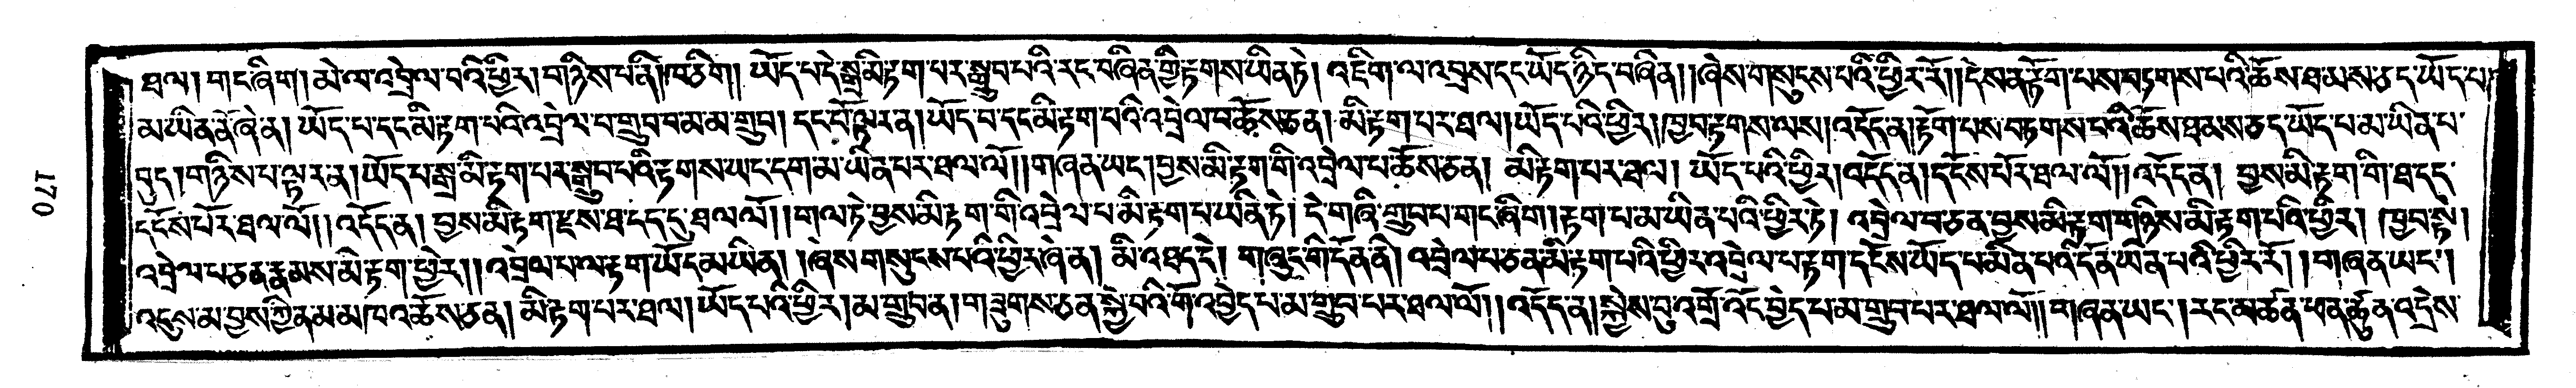ཐལ། གང་ཞིག །མེ་ལ་འབྲེལ་པའི་ཕྱིར། གཉིས་པ་ནི། ཁ་ཅིག །ཡོད་པ་དེ་སྒྲ་མི་རྟག་པར་སྒྲུབ་པའི་རང་བཞིན་གྱི་རྟགས་ཡིན་ཏེ། འཇིག་ལ་འབྲས་དང་ཡོད་ཉིད་བཞིན། །ཞེས་གསུངས་པའི་ཕྱིར་རོ། །དེས་ན་རྟོག་པས་བཏགས་པའི་ཆོས་ཐམས་ཅད་ཡོད་པ་
མ་ཡིན་ནོ་ཞེ་ན། ཡོད་པ་དང་མི་རྟག་པའི་འབྲེལ་པ་གྲུབ་བམ་མ་གྲུབ། དང་པོ་ལྟར་ན། ཡོད་པ་དང་མི་རྟག་པའི་འབྲེལ་པ་ཆོས་ཅན། མི་རྟག་པར་ཐལ། ཡོད་པའི་ཕྱིར། ཁྱབ་རྟགས་ཁས། འདོད་ན། རྟོག་པས་བཏགས་པའི་ཆོས་ཐམས་ཅད་ཡོད་པ་མ་ཡིན་པ་
བུད། གཉིས་པ་ལྟར་ན། ཡོད་པ་སྒྲ་མི་རྟག་པར་སྒྲུབ་པའི་རྟགས་ཡང་དག་མ་ཡིན་པར་ཐལ་ལོ། །གཞན་ཡང་། བྱས་མི་རྟག་གི་འབྲེལ་པ་ཆོས་ཅན། མི་རྟག་པར་ཐལ། ཡོད་པའི་ཕྱིར། འདོད་ན། དངོས་པོར་ཐལ་ལོ། །འདོད་ན། བྱས་མི་རྟག་གི་ཐ་དད་
དངོས་པོར་ཐལ་ལོ། འདོད་ན། བྱས་མི་རྟག་རྫས་ཐ་དད་དུ་ཐལ་ལོ། །གལ་ཏེ་བྱས་མི་རྟག་གི་འབྲེལ་པ་མི་རྟག་པ་ཡིན་ཏེ། དེ་གཞི་གྲུབ་པ་གང་ཞིག །རྟག་པ་མ་ཡིན་པའི་ཕྱིར་ཏེ། འབྲེལ་པ་ཅན་བྱས་མི་རྟག་གཉིས་མི་རྟག་པའི་ཕྱིར། ཁྱབ་སྟེ།
འབྲེལ་པ་ཅན་རྣམས་མི་རྟག་ཕྱིར། །འབྲེལ་པ་ལ་རྟག་ཡོད་མ་ཡིན། །ཞེས་གསུངས་ཕྱིར་ཞེ་ན། མི་འཐད་དེ། གཞུང་གི་དོན་ནི། འབྲེལ་པ་ཅན་མི་རྟག་པའི་ཕྱིར་འབྲེལ་པ་རྟག་དངོས་ཡོད་པ་མིན་པའི་དོན་ཡིན་པའི་ཕྱིར་རོ། །གཞན་ཡང་།
འདུས་མ་བྱས་ཀྱི་ནམ་མཁའ་ཆོས་ཅན། མི་རྟག་པར་ཐལ། ཡོད་པའི་ཕྱིར། མ་གྲུབ་ན། གཟུགས་ཅན་སྐྱེ་བའི་གོ་འབྱེད་པ་མ་གྲུབ་པར་ཐལ་ལོ། །འདོད་ན། སྐྱེས་བུ་འགྲོ་འོང་བྱེད་པ་མ་གྲུབ་པར་ཐལ་ལོ། །གཞན་ཡང་། རང་མཚན་ཕན་ཚུན་འདྲེས་